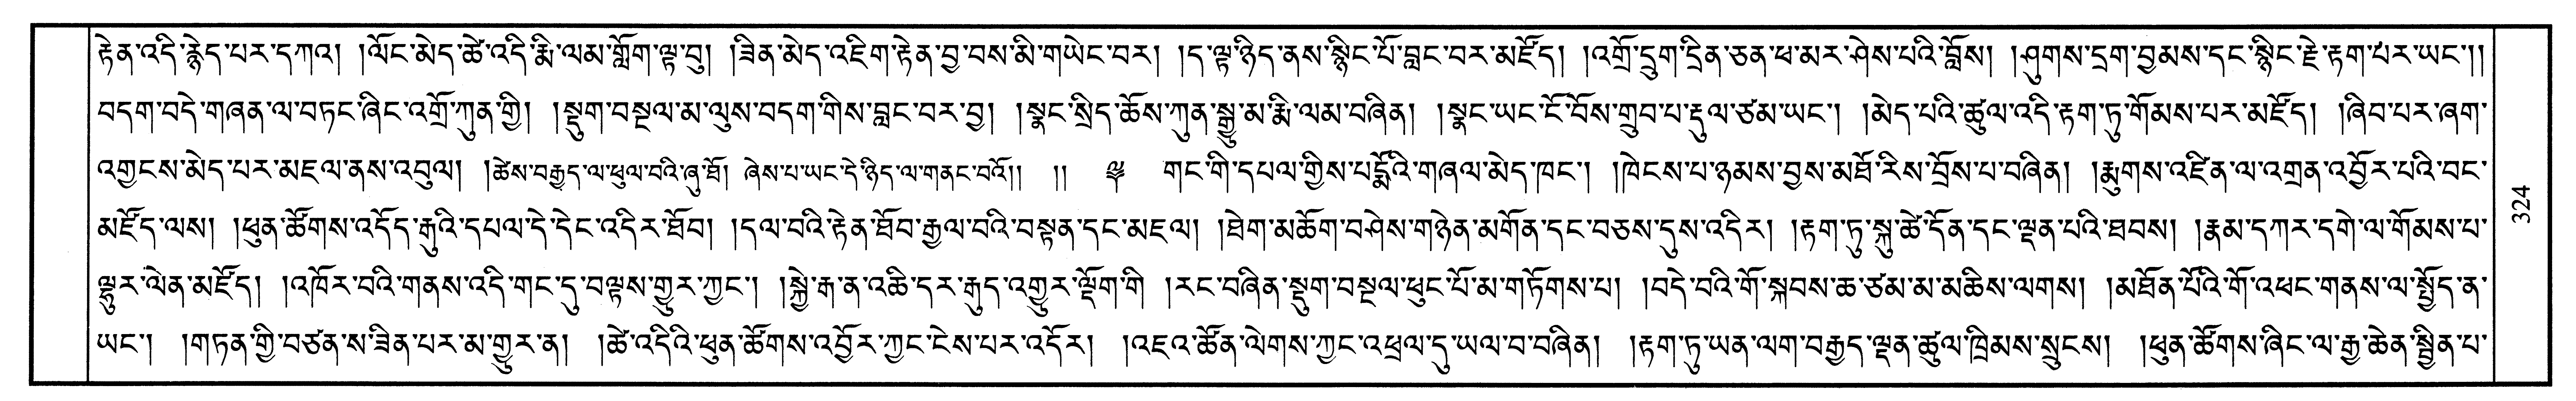རྟེན་འདི་རྙེད་པར་དཀའ། །ལོང་མེད་ཚེ་འདི་རྨི་ལམ་གློག་ལྟ་བུ། །ཟིན་མེད་འཇིག་རྟེན་བྱ་བས་མི་གཡེང་བར། །ད་ལྟ་ཉིད་ནས་སྙིང་པོ་བླང་བར་མཛོད། །འགྲོ་དྲུག་དྲིན་ཅན་ཕ་མར་ཤེས་པའི་བློས། །ཤུགས་དྲག་བྱམས་དང་སྙིང་རྗེ་རྟག་པར་ཡང།།
བདག་བདེ་གཞན་ལ་བཏང་ཞིང་འགྲོ་ཀུན་གྱི། །སྡུག་བསྔལ་མ་ལུས་བདག་གིས་བླང་བར་བྱ། །སྣང་སྲིད་ཆོས་ཀུན་སྒྱུ་མ་རྨི་ལམ་བཞིན། །སྣང་ཡང་ངོ་བོས་གྲུབ་པ་རྡུལ་ཙམ་ཡང་། །མེད་པའི་ཚུལ་འདི་རྟག་ཏུ་གོམས་པར་མཛོད། །ཞིབ་པར་ཞག་
འགྱངས་མེད་པར་མཇལ་ནས་འབུལ། །ཚེས་བརྒྱད་ལ་ཕུལ་བའི་ཞུ་ཐོ། ཞེས་པ་ཡང་དེ་ཉིད་ལ་གནང་བའོ།། །། ༈ གང་གི་དཔལ་གྱིས་པདམོའི་གཞལ་མེད་ཁང་། །ཁེངས་པ་ཉམས་བྱས་མཐོ་རིས་བྲོས་པ་བཞིན། །རྨུགས་འཛིན་ལ་འགྲན་འབྱོར་པའི་བང་
མཛོད་ལས། །ཕུན་ཚོགས་འདོད་རྒུའི་དཔལ་དེ་དེང་འདིར་ཐོབ། །དལ་བའི་རྟེན་ཐོབ་རྒྱལ་བའི་བསྟན་དང་མཇལ། །ཐེག་མཆོག་བཤེས་གཉེན་མགོན་དང་བཅས་དུས་འདིར། །རྟག་ཏུ་སྐུ་ཚེ་དོན་དང་ལྡན་པའི་ཐབས། །རྣམ་དཀར་དགེ་ལ་གོམས་པ་
ལྷུར་ལེན་མཛོད། །འཁོར་བའི་གནས་འདི་གང་དུ་བལྟས་གྱུར་ཀྱང་། །སྐྱེ་རྒ་ན་འཆི་དར་རྒུད་འགྱུར་ལྡོག་གི །རང་བཞིན་སྡུག་བསྔལ་ཕུང་པོ་མ་གཏོགས་པ། །བདེ་བའི་གོ་སྐབས་ཆ་ཙམ་མ་མཆིས་ལགས། །མཐོན་པོའི་གོ་འཕང་གནས་ལ་སྤྱོད་ན་
ཡང་། །གཏན་གྱི་བཙན་ས་ཟིན་པར་མ་གྱུར་ན། །ཚེ་འདིའི་ཕུན་ཚོགས་འབྱོར་ཀྱང་ངེས་པར་འདོར། །འཇའ་ཚོན་ལེགས་ཀྱང་འཕྲལ་དུ་ཡལ་བ་བཞིན། །རྟག་ཏུ་ཡན་ལག་བརྒྱད་ལྡན་ཚུལ་ཁྲིམས་སྲུངས། །ཕུན་ཚོགས་ཞིང་ལ་རྒྱ་ཆེན་སྦྱིན་པ་